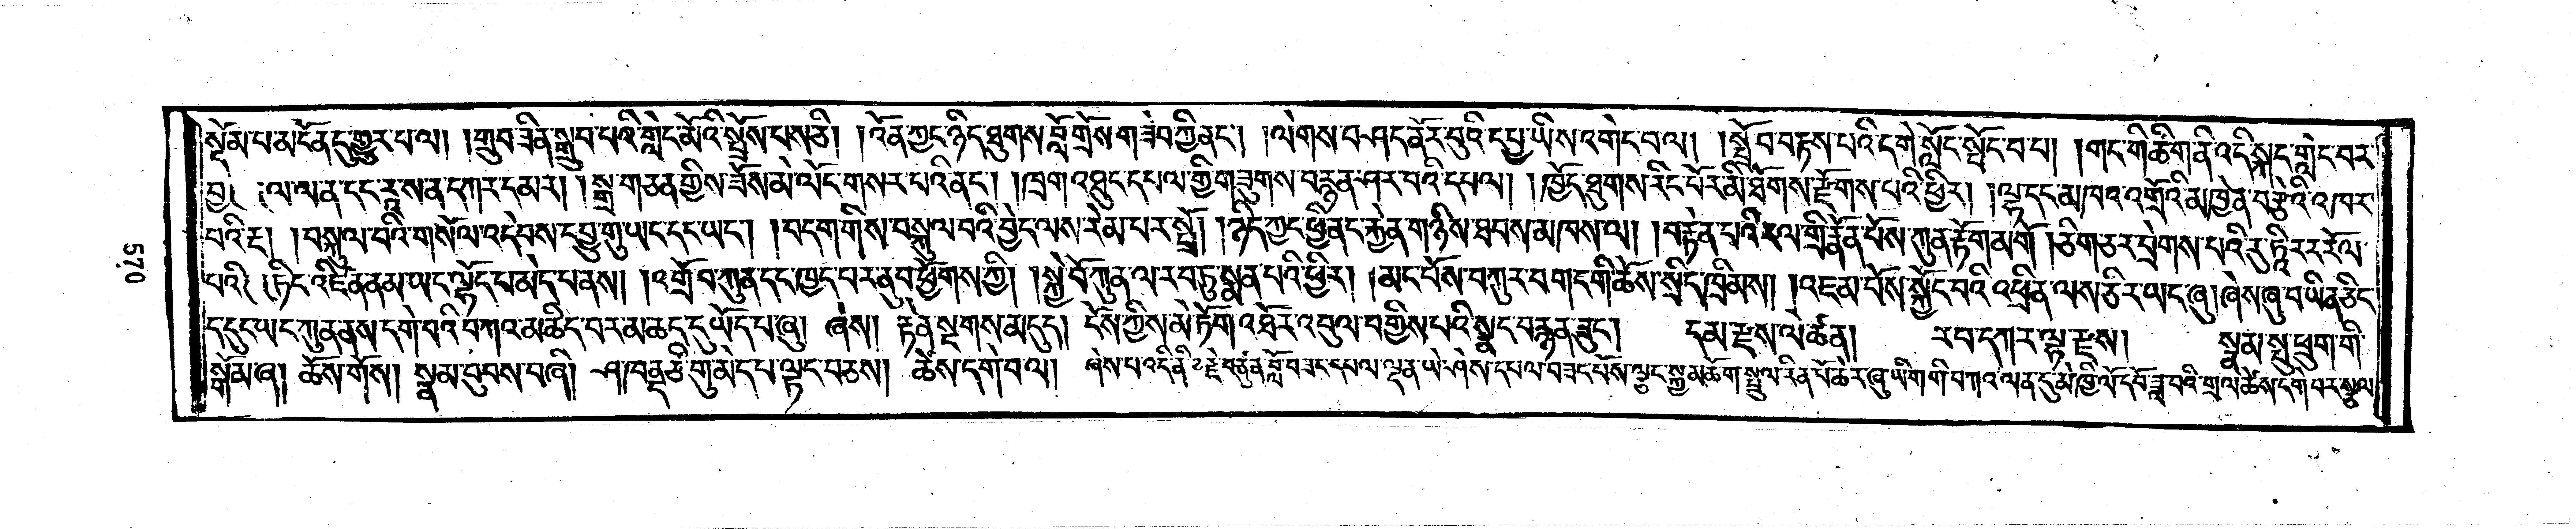སྡོམ་པ་མངོན་དུ་གྱུར་པ་ལ། །གྲུབ་ཟིན་སྒྲུབ་པའི་གླེང་མོའི་སྤྲོས་པས་ཅི། །འོན་ཀྱང་ཉིད་ཐུགས་བློ་གྲོས་གཟེབ་ཀྱི་ནང་། །ལེགས་བཤད་ནོར་བུའི་དཔྱ་ཡིས་འགེང་བ་ལ། །སྤྲོ་བ་བརྟས་པའི་དགེ་སློང་སྤོང་བ་པ། །གང་གི་ཚིག་ནི་འདི་སྐད་གླེང་བར་
བྱ༑ ༑ལ་ལ་ན་དང་རཱ་ས་ན་དཀར་དམར། །སྒྲ་གཅན་གྱིས་ཟོས་མེ་ལོང་གསར་པའི་ནང་། །ཁྲག་འཐུང་དཔལ་གྱི་གཟུགས་བརྙན་ཤར་བའི་དཔལ། །ཁྱོད་ཐུགས་རིང་པོར་མི་ཐོགས་རྫོགས་པའི་ཕྱིར། །ལྷ་དང་མཁའ་འགྲོའི་མཁྱེན་བརྩེའི་འཁར་
པའི་རྡ། །བསྐུལ་བའི་གསོལ་འདེབས་དབྱུ་གུ་ཡང་དང་ཡང་། །བདག་གིས་བསྐུལ་བའི་བྱེད་ལས་རེམ་པར་སྤྲོ། །ཉིད་ཀྱང་ཕྱི་ནང་རྐྱེན་གཉིས་ཐབས་མཁས་ལ། །བརྟེན་པའི་རལ་གྲི་རྣོན་པོས་ཀུན་རྟོག་མགོ། །ཅིག་ཅར་བྲེགས་པའི་རུ་ཏཱི་རར་རོལ་
པའི༑ ༑ཏིང་འཛིན་ནམ་ཡང་ལྷོད་པ་མེད་པ་ནས། །འགྲོ་བ་ཀུན་དང་ཁྱད་པར་ནུབ་ཕྱོགས་ཀྱི། །སྐྱེ་བོ་ཀུན་ལ་རབ་ཏུ་སྨན་པའི་ཕྱིར། །མང་པོས་བཀུར་བ་གང་གི་ཆོས་སྲིད་ཁྲིམས། །འཇམ་པོས་སྐྱོང་བའི་འཕྲིན་ལས་ཅིར་ཡང་ཞུ། ཞེས་ཞུ་བ་ཡིན་ཅིང་
ད་དུང་ཡང་ཀུན་ནས་དགེ་བའི་བཀའ་མ་ཆིད་པར་མ་ཆད་དུ་ཡོད་པ་ཞུ། ཞེས། རྟེན་སྔགས་མདུད། ངོས་ཀྱི་མེ་ཏོག་འཐོར་འབུལ་བགྱིས་པའི་སྣང་བརྙན་ཟུང་། དམ་རྫས་ལེ་ཚན། རབ་དཀར་ལྷ་རྫས། སྣམ་སྦུ་ཕྲུག་གི་
སྒོམ་ཞ། ཆོས་གོས། སྣམ་བུབས་བཞི། ཤ་ཁནྡ་ཙི་གུ་མེད་པ་ལྟང་བཅས། ཚེས་དགེ་བ་ལ། ཞེས་པ་འདི་ནི་༧་རྗེ་བཙུན་བློ་བཟང་དཔལ་ལྡན་ཡེ་ཤེས་དཔལ་བཟང་པོས་ལྕང་སྐྱ་མཆོག་སྤྲུལ་རིན་པོ་ཆེར་ཞུ་ཡིག་གི་བཀའ་ལན་དུ་མེ་ཁྱི་ལོ་དབོ་ཟླ་བའི་གྲལ་ཚེས་དགེ་བར་སྩལ་